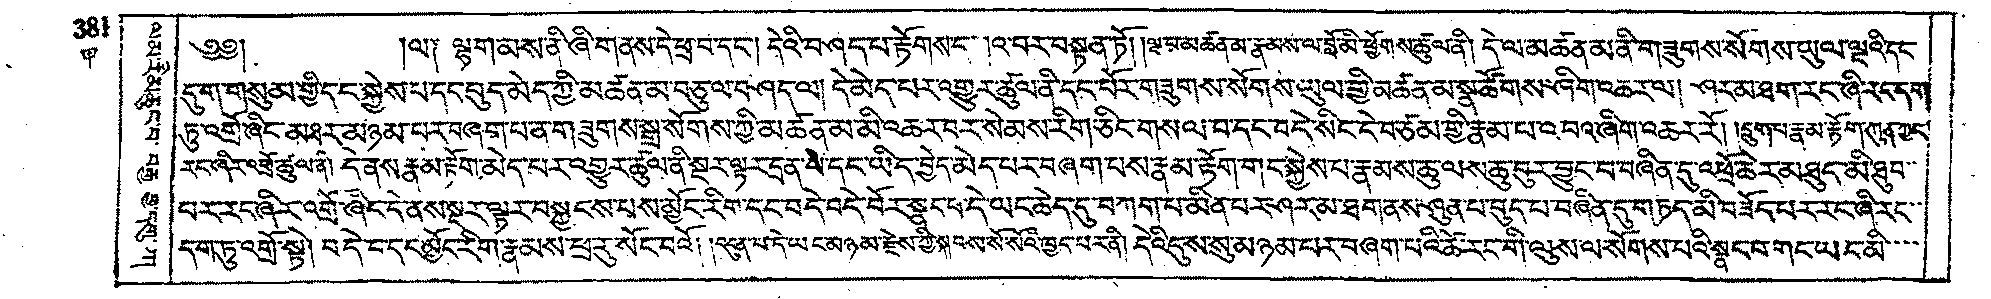༄༅། །ལ༑ ལྷག་མས་ནི་ཞི་གནས་དེ་ཕྲ་བ་དང་། དེའི་བཤད་པ་རྟོགས་དཀའ་བར་བསྟན་ཏོ། །སྔ་མ་མཚན་མ་རྣམས་ལ་བློ་མི་ཕྱོགས་ཚུལ་ནི།  དེ་ལ་མཚན་མ་ནི་གཟུགས་སོགས་ཡུལ་ལྔའི་དང་
དུག་གསུམ་གྱི་དང་སྐྱེས་པ་དང་བུད་མེད་ཀྱི་མཚན་མ་བཅུ་ལ་བཤད་ལ། དེ་མེད་པར་འགྱུར་ཚུལ་ནི་དང་པོར་གཟུགས་སོགས་ཡུལ་གྱི་མཚན་མ་སྣ་ཚོགས་ཤིག་འཆར་ལ། ཤར་མ་ཐག་རང་ཞི་རང་དག་
ཏུ་འགྲོ་ཞིང་མཐར་མཉམ་པར་བཞག་པ་ན་གཟུགས་སྒྲ་སོགས་ཀྱི་མཚན་མ་མི་འཆར་བར་སེམས་རིག་ཅིང་གསལ་བ་དང་བདེ་ཤིང་ངེ་བ་ཙམ་གྱི་རྣམ་པ་འབའ་ཞིག་འཆར་རོ། །དྲུག་པ་རྣམ་རྟོག་ཀུན་ཀྱང་
རང་ཞིར་འགྲོ་ཚུལ་ནི། དེ་ནས་རྣམ་རྟོག་མེད་པར་འགྱུར་ཚུལ་ནི་སྔར་ལྟར་དྲན་པ་དང་ཡིད་བྱེད་མེད་པར་བཞག་པས་རྣམ་རྟོག་གང་སྐྱེས་པ་རྣམས་ཆུ་ལས་ཆུ་བུར་བྱུང་བ་བཞིན་དུ་འཕྲོ་ཆེར་མཐུང་མི་ཐུབ་
པར་རང་བཞིན་འགྲོ་ཞིང་དེ་ནས་སྔར་ལྟར་བསྐྱངས་པས་མྱོང་རིག་དང་བདེ་བདེ་བོར་སྣང་བ་དེ་ཡང་ཆེད་དུ་བཀག་པ་མིན་པར་ཤར་མ་ཐག་ནས་ཤུན་པ་བུད་པ་བཞིན་དུ་གཏད་མི་བཟོད་པར་རང་ཞི་རང་
དག་ཏུ་འགྲོ་སྟེ། བདེ་བ་དང་མྱོང་རིག་རྣམས་ཕྲ་རུ་སོང་བའོ། །བདུན་པ་དེ་ཡང་མཉམ་རྗེས་ཀྱི་སྐབས་སོ་སོའི་ཁྱད་པར་ནི།  དེའི་དུས་སུ་མཉམ་པར་བཞག་པའི་ཚེ་རང་གི་ལུས་ལ་སོགས་པའི་སྣང་བ་གང་ཡང་མི་